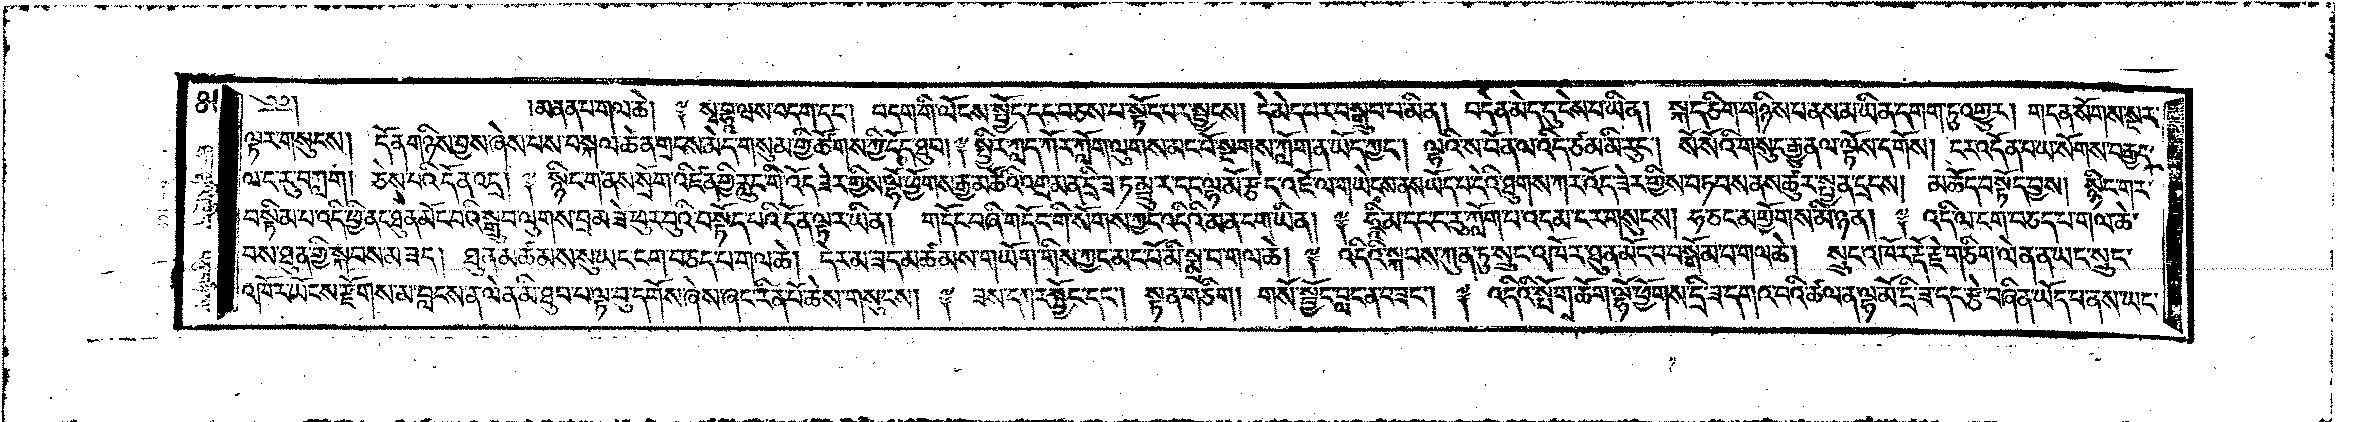༄༅། །མནན་པ་གལ་ཆེ། ༈ སྭ་བྷཱ་ཝས་བདག་དང་། བདག་གི་ལོངས་སྤྱོད་དང་བཅས་པ་སྟོང་པར་སྦྱངས། དེ་མེད་པར་བསྒྲུབ་པ་མིན། བདེན་མེད་དུ་ངེས་པ་ཡིན། སྐད་ཅིག་གཉིས་པ་ནས་མ་ཡིན་དགག་ཏུ་འགྱུར། གདན་སོགས་སྔར་
ལྟར་གསུངས། དོན་གཉིས་བྱས་ཞེས་པས་བསྐལ་ཆེན་གྲངས་མེད་གསུམ་གྱི་ཚོགས་ཀྱི་དོད་ཐུབ། ༈ སྤྱིར་ཀླད་ཀོར་ཀློག་ལུགས་མང་པོ་སྔགས་ཀློག་ན་ཡོད་ཀྱང་། ལྷའི་ས་བོན་ལ་འདི་ཙམ་མི་རུང་། སོ་སོའི་གསུང་རྒྱུན་ལ་ལྟོས་དགོས། ངར་འདོན་པ་ཡ་སོགས་བརྒྱད་
ལ་ང་རུ་བཀླག། ཅེས་པའི་དོན་འདྲ། ༈ སྙིང་གནས་སྲོག་འཛིན་གྱི་རླུང་གི་འོད་ཟེར་གྱིས་ལྷོ་ཕྱོགས་རྒྱ་མཚོའི་འགྲམ་དྲི་ཟ་ཏམྦུ་ར་དང་ལྷ་མོ་རྩེད་འཇོ་ལ་གཡེངས་ནས་ཡོད་པ་དེའི་ཐུགས་ཀར་འོད་ཟེར་གྱིས་བཏབས་ནས་ཚུར་སྤྱན་དྲངས། མཆོད་བསྟོད་བྱས། སྙིང་གར་
བསྟིམ་པ་འདི་ཕྱི་ནང་ཐུན་མོང་བའི་སྒྲུབ་ལུགས་བྲམ་ཟེ་ཕུར་བུའི་བསྟོད་པའི་དོན་ལྟར་ཡིན། གདོང་བཞི་གདོང་གི་སོགས་ཀྱང་འདིའི་མན་ངག་ཡིན། ༈ ཧྲཱི་མ་དང་ང་རུ་ཀློག་པ་འྔམ་ངར་གསུངས། ཧ་ཅང་མགྱོགས་མི་ཉན། ༈ འདི་ལ་ངག་བཅད་པ་གལ་ཆེ་
བས་ཐུན་གྱི་སྐབས་མ་ཟད། ཐུན་མཚམས་སུ་ཡང་ངག་བཅད་པ་གལ་ཆེ། དེར་མ་ཟད་མཚམས་གཡོག་གིས་ཀྱང་མང་པོ་མི་སྨྲ་བ་གལ་ཆེ། ༈ འདིའི་སྐབས་ཀུན་ཏུ་སྲུང་འཁོར་ཐུན་མོང་བ་བསྒོམ་པ་གལ་ཆེ། སྲུང་འཁོར་རྡོ་རྗེ་གཅིག་ལེན་ན་ཡང་སྲུང་
འཁོར་ཡོངས་རྫོགས་མ་བླངས་ན་ལེན་མི་ཐུབ་པ་ལྟ་བུ་དགོས་ཞེས་ཞང་རིན་པོ་ཆེས་གསུངས། ༈ ཟས་དཀར་སྦྱོང་དང་། སྟན་གཅིག། གསོ་སྦྱོང་བླང་ན་བཟང་། ༈ འདིའི་སྤོགས་ཆོག་ལྷོ་ཕྱོགས་དྲི་ཟ་དགའ་བའི་ཚལ་ན་ལྷ་མོ་དྲི་ཟ་དང་རྩེ་བཞིན་ཡོད་པ་ནས་ཡང་